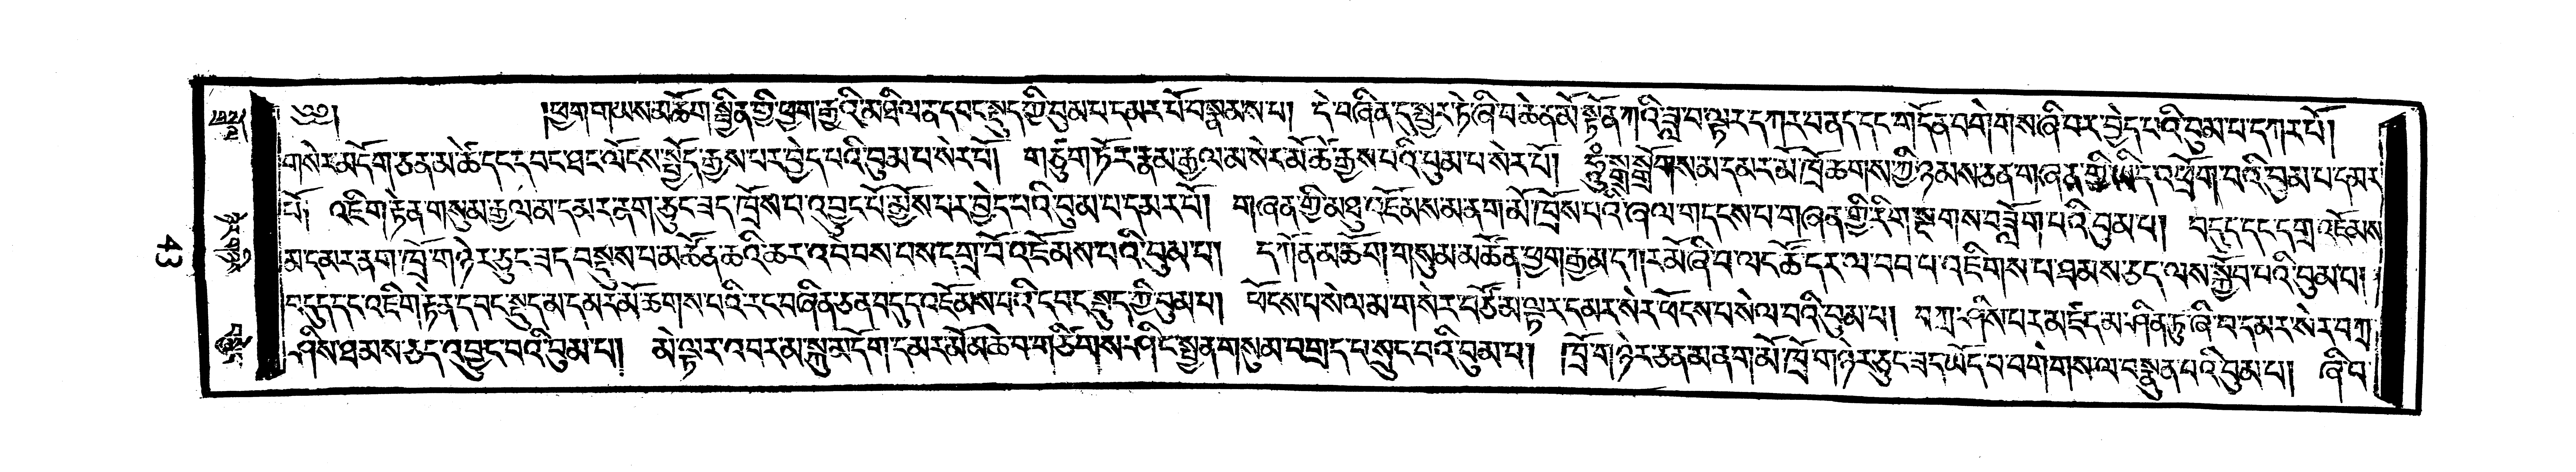༄༅། །ཕྱག་གཡས་མཆོག་སྦྱིན་གྱི་ཕྱག་རྒྱའི་མཐིལ་ན་དབང་སྡུད་ཀྱི་བུམ་པ་དམར་པོ་བསྣམས་བ། དེ་བཞིན་དུ་སྦྱར་ཏེ་ཞི་བ་ཆེན་མོ་སྟོན་ཀའི་ཟླ་བ་ལྟར་དཀར་བ་ནད་དང་གདོན་བགེགས་ཞི་བར་བྱེད་པའི་བུམ་པ་དཀར་པ།
གསེར་མདོག་ཅན་མ་ཆེ་དང་དབང་ཐང་ལོངས་སྤྱོད་རྒྱས་པར་བྱེད་པའི་བུམ་པ་སེར་པོ། གཙུག་ཏོར་རྣམ་རྒྱལ་མ་སེར་མོ་ཚེ་རྒྱས་པའི་བུམ་པ་སེར་པོ། ཧཱུཾ་སྒྲ་སྒྲོ་གསམ་དམར་མོ་ཁྲོ་ཆགས་ཀྱི་ཉམས་ཅན་གཞན་གྱི་ཡིད་འཕྲོག་པའི་བུམ་པ་དམར་
པོ། འཇིག་རྟེན་གསུམ་རྒྱལ་མ་དམར་ནག་ཅུང་ཟད་ཁྲོས་པ་འབྱུང་པོ་མྱོས་བར་བྱེད་པའི་བུམ་པ་དམར་པོ། གཞན་གྱི་མཐུ་འཇོམས་མ་ནག་མོ་ཁྲོས་པའི་ཞལ་གདངས་པ་གཞན་གྱི་རིག་སྔགས་བཟློག་པའི་བུམ་པ། བདུད་དང་དགྲ་འཇོམས་
མ་དམར་ནག་ཁྲོ་གཉེར་ཅུང་ཟད་བསྡུས་པ་མཚོན་ཆའི་ཆར་འབེབས་པས་དགྲ་བོ་འཇོམས་པའི་བུམ་པ། དཀོན་མཆོག་གསུམ་མཚོན་ཕྱག་རྒྱ་མ་དཀར་མོ་ཞི་བ་ལང་ཚོ་དར་ལ་བབ་པ་འཇིགས་པ་ཐམས་ཅད་ལས་སྐྱོབ་པའི་བུམ་པ།
བདུད་དང་འཇིག་རྟེན་དབང་སྡུད་མ་དམར་མོ་ཆགས་པའི་རང་བཞིན་ཅན་བདུད་འཇོམས་པའི་དབང་སྡུད་ཀྱི་བུམ་པ། ཕོངས་པ་སེལ་མ་གསེར་བཙོ་མ་ལྟར་དམར་སེར་ཕོངས་པ་སེལ་བའི་བུམ་པ། བཀྲ་ཤིས་པར་མཛད་མ་ཤིན་ཏུ་ཞི་བ་དམར་སེར་བཀྲ་
ཤིས་ཐམས་ཅད་འབྱུང་བའི་བུམ་པ། མེ་ལྟར་འབར་མ་སྐུ་མདོག་དམར་མོ་མཆེ་བ་གཙིགས་ཤིང་སྤྱན་གསུམ་བགྲད་པ་སྲུང་བའི་བུམ་པ། ཁྲོ་གཉེར་ཅན་མ་ནག་མོ་ཁྲོ་གཉེར་ཅུང་ཟད་ཡོད་པ་བགེགས་ལ་བསྣུན་པའི་བུམ་པ། ཞི་བ་